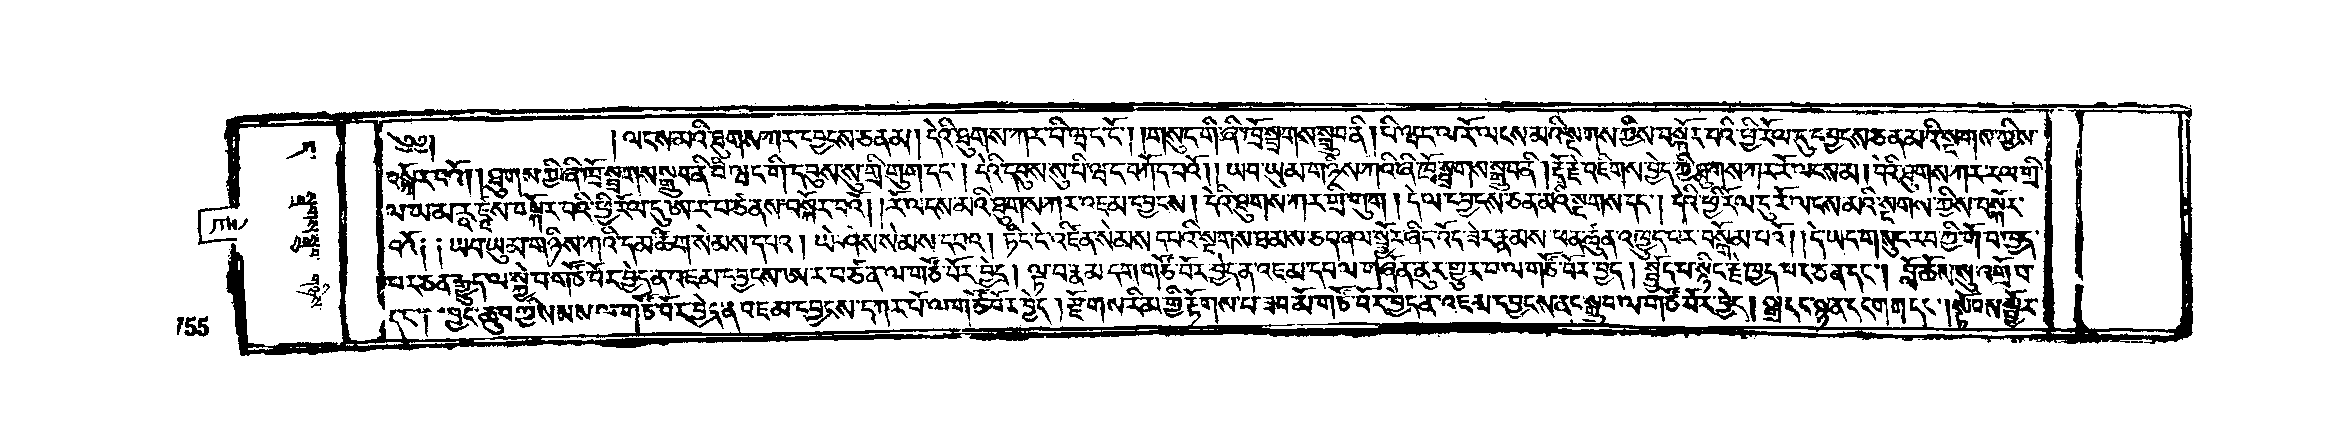༄༅། །ལངས་མའི་ཐུགས་ཀར་དབྱངས་ཅན་མ། དེའི་ཐུགས་ཀར་པི་ཝང་ངོ། །གསུང་གི་ཞི་ཁྲོ་སྦྲགས་སྒྲུབ་ནི། པི་ཝང་ལ་རོ་ལངས་མའི་སྔགས་ཀྱིས་བསྐོར་བའི་ཕྱི་རོལ་དུ་དབྱངས་ཅན་མའི་སྔགས་ཀྱིས་
བསྐོར་བའོ། །ཐུགས་ཀྱི་ཞི་ཁྲོ་སྦྲགས་སྒྲུབ་ནི་པི་ཝང་གི་དབུས་སུ་གྲི་གུག་དང་། དེའི་དབུས་སུ་པི་ཝང་བཀོད་པའོ། །ཡབ་ཡུམ་གཉིས་ཀའི་ཞི་ཁྲོ་སྦྲགས་སྒྲུབ་ནི། རྡོ་རྗེ་འཇིགས་བྱེད་ཀྱི་ཐུགས་ཀར་རོ་ལངས་མ། དེའི་ཐུགས་ཀར་རལ་གྲི་
ལ་ཡ་མ་རཱ་ཛཱས་བསྐོར་བའི་ཕྱི་རོལ་དུ་ཨ་ར་པ་ཙ་ནས་བསྐོར་བའོ། །རོ་ལངས་མའི་ཐུགས་ཀར་འཇམ་དབྱངས། དེའི་ཐུགས་ཀར་གྲི་གུག །དེ་ལ་དབྱངས་ཅན་མའི་སྔགས་དང་། དེའི་ཕྱི་རོལ་དུ་རོ་ལངས་མའི་སྔགས་ཀྱིས་བསྐོར་
བའོ། །ཡབ་ཡུམ་གཉིས་ཀའི་དམ་ཚིག་སེམས་དཔའ། ཡེ་ཤེས་སེམས་དཔའ། ཏིང་ངེ་འཛིན་སེམས་དཔའི་སྔགས་ཐམས་ཅད་ཞལ་སྦྱོར་ཞིང་འོད་ཟེར་རྣམས་ཕན་ཚུན་འཁྱུད་པར་བསྒོམ་པའོ། །དེ་ཡང་གསུང་རབ་ཀྱི་གོ་བ་ཁྱད་
པར་ཅན་རྒྱུད་ལ་སྐྱེ་བ་གཙོ་བོར་བྱེད་ན་འཇམ་དབྱངས་ཨ་ར་པ་ཙ་ན་ལ་གཙོ་བོར་བྱེད། ལྟ་བ་རྣམ་དག་གཙོ་བོར་བྱེད་ན་འཇམ་དཔལ་གཞོན་ནུར་གྱུར་བ་ལ་གཙོ་བོར་བྱེད། སྤྱོད་པ་སྙིང་རྗེ་ཁྱད་པར་ཅན་དང་། བློ་ཆོས་སུ་འགྲོ་བ་
དང་། བྱང་ཆུབ་ཀྱི་སེམས་ལ་གཙོ་བོར་བྱེད་ན་འཇམ་དབྱངས་དཀར་པོ་ལ་གཙོ་བོར་བྱེད། རྫོགས་རིམ་གྱི་རྟོགས་པ་ཟབ་མོ་གཙོ་བོར་བྱེད་ན་འཇམ་དབྱངས་ནང་སྒྲུབ་ལ་གཙོ་བོར་བྱེད། སྒྲ་དང་སྙན་ང་དགག་དང་། སྟོབས་སྦྱོར་